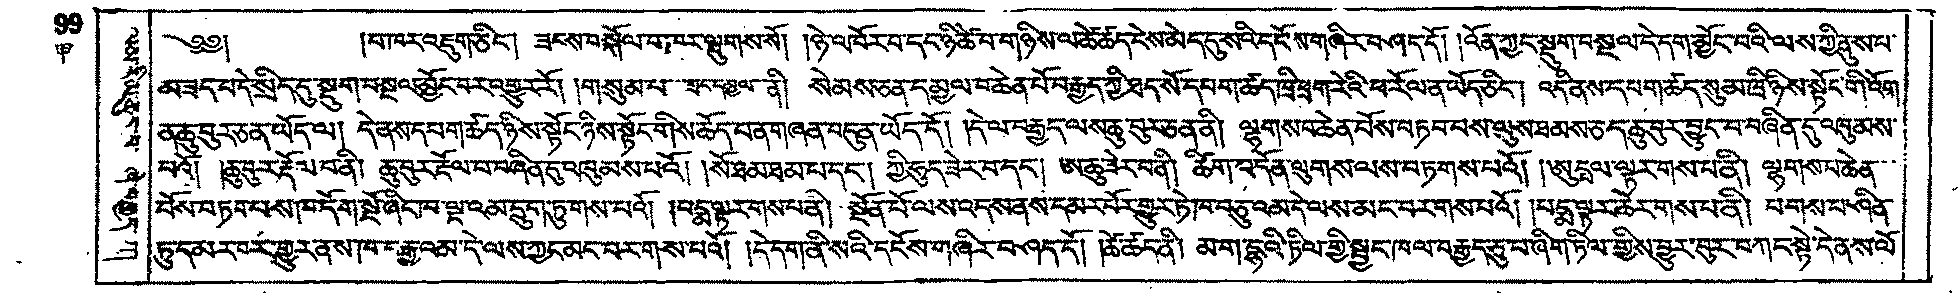༄༅། །བ་ཁར་འཇུག་ཅིང་། ཟངས་བསྐོལ་བ་ཁར་ལྦུགས་སོ། །ཉེ་འཁོར་བ་དང་ཉི་ཚེ་བ་གཉིས་ལ་ཚེ་ཚད་ངེས་མེད་དུ་སའི་དངོས་གཞིར་བཤད་དོ། །འོན་ཀྱང་སྡུག་བསྔལ་དེ་དག་མྱོང་བའི་ལས་ཀྱི་ནུས་པ་
མ་ཟད་པ་དེ་སྲིད་དུ་སྡུག་བསྔལ་མྱོང་བར་འགྱུར་རོ། །གསུམ་པགྲང་དམྱལནི། སེམས་ཅན་དམྱལ་བ་ཆེན་པོ་བརྒྱད་ཀྱི་ཐད་སོ་དཔག་ཚད་ཁྲི་ཕྲག་རེའི་ཕ་རོལ་ན་ཡོད་ཅིང་། འདི་ནས་དཔག་ཚད་སུམ་ཁྲི་ཉིས་སྟོང་གི་འོག་
ན་ཆུ་བུར་ཅན་ཡོད་ལ། དེ་ནས་དཔག་ཚད་ཉིས་སྟོང་ཉིས་སྟོང་གིས་ཆོད་པ་ན་གཞན་བདུན་ཡོད་དོ། །དེ་ལ་བརྒྱད་ལས་ཆུ་བུར་ཅན་ནི། ལྷགས་བ་ཆེན་པོས་བཏབ་པས་ལུས་ཐམས་ཅད་ཆུ་བུར་བྱུང་པ་བཞིན་དུ་འཁུམས་
པའོ། །ཆུ་བུར་རྡོལ་པ་ནི། ཆུ་བུར་རྡོལ་བ་བཞིན་དུ་འཁུམས་པའོ། །སོ་ཐམ་ཐམ་པ་དང་། ཀྱི་ཧུད་ཟེར་བ་དང་། ཨ་ཆུ་ཟེར་པ་ནི། ཚིག་འདོན་ལུགས་ལས་བཏགས་པའོ། །ཨུཏྤལ་ལྟར་གས་པ་ནི། ལྷགས་པ་ཆེན་
པོས་བཏབ་པས་ཁ་དོག་སྡོ་ཞིང་ཁ་ལྔ་འམ་དྲུག་ཏུ་གས་པའོ། །པདམ་ལྟར་གས་པ་ནི། སྔོན་པོ་ལས་འདས་ནས་དམར་པོར་གྱུར་ཏེ་ཁ་བཅུའམ་དེ་ལས་མང་བར་གས་པའོ། །པདམ་ལྟར་ཆེར་གས་པ་ནི། པགས་པ་ཤིན་
ཏུ་དམར་བར་གྱུར་ནས་ཁ་བརྒྱ་འམ་དེ་ལས་ཀྱང་མང་བར་གས་པའོ། །དེ་དག་ནི་སའི་དངོས་གཞིར་བཤད་དོ། །ཚེ་ཚད་ནི། མ་ག་དྷའི་ཏིལ་གྱི་སྦྱང་ཁལ་བརྒྱད་ཅུ་པ་ཞིག་ཏིལ་གྱིས་བྱུར་བུར་བཀང་སྟེ་དེ་ནས་ལོ་